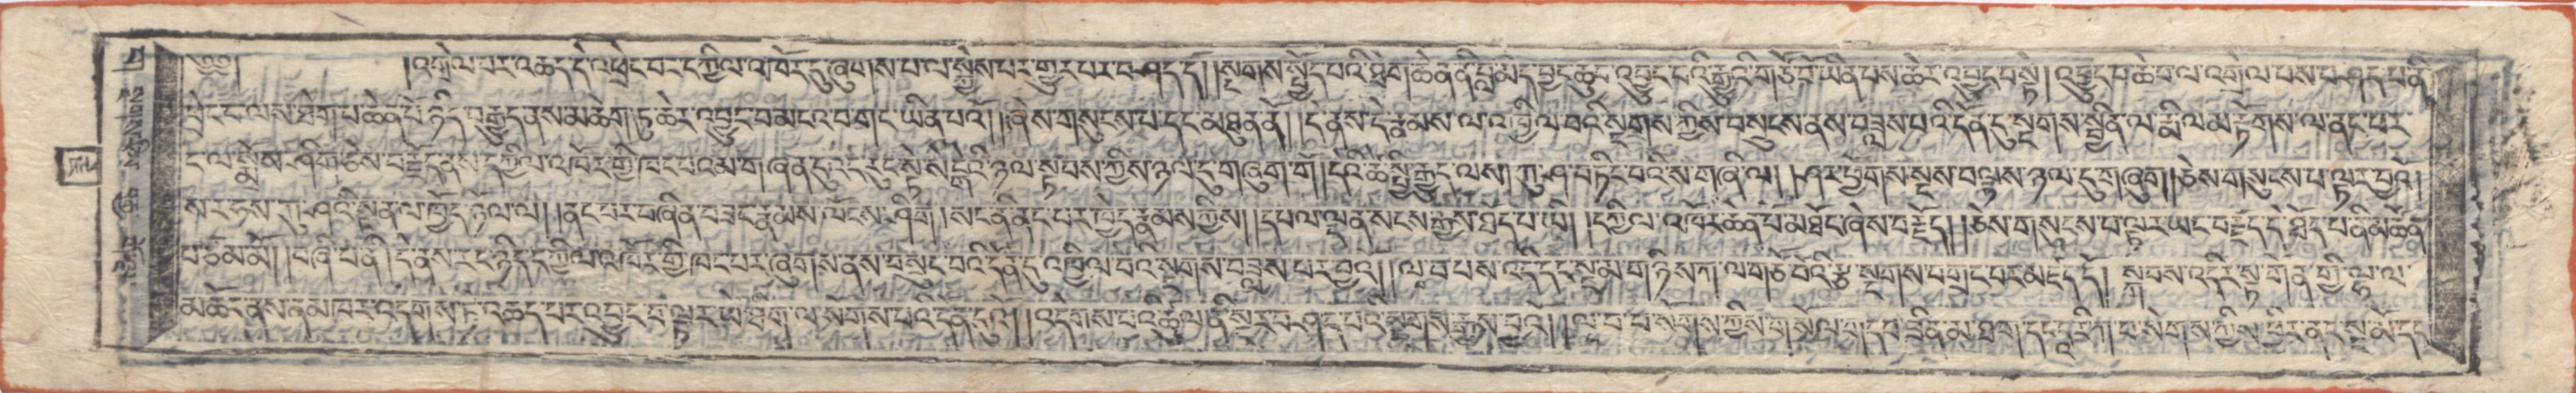༄༅། །འགྲེལ་པར་འཆད་དེ་འཕྲེང་བར་དཀྱིལ་འཁོར་དུ་ཞུགས་པ་ལ་སྐྱེས་པར་གྱུར་པར་བཤད་དོ། །སྔགས་སྤྱོད་པའི་ཐེག་ཆེན་ནི་བླ་མེད་བྱང་ཆུབ་འབྱུང་བའི་རྒྱུའི་གཙོ་བོ་ཡིན་པས་ཆེར་འབྱུང་བ་སྟེ། འབྱུང་བ་ཆེ་བ་ལ་འགྲེལ་པས་བཤད་པ་ནི་
ཕྲེང་བ་ལས་ཐེག་པ་ཆེན་པོ་ཉིད་བརྒྱུད་ནས་མཆོག་ཏུ་ཆེར་འབྱུང་བ་མངའ་བ་གང་ཡིན་པའོ། །ཞེས་གསུངས་པ་དང་མཐུན་ནོ། །དེ་ནས་དེ་རྣམས་ལ་འཁྱིལ་བའི་སྔགས་ཀྱིས་བསྲུངས་ནས་བཟླས་པའི་དོན་དུ་སྔགས་སྦྱིན་ལ་རྨི་ལམ་རྟོགས་ལ་ནང་པར་
ང་ལ་སྨྲོས་ཤིག་ཅེས་བརྗོད་ནས་དཀྱིལ་འཁོར་གྱི་ཁང་པའམ་གཞན་དུའང་རུང་སྟེ་སེངྒེའི་ཉལ་སྟབས་ཀྱིས་ཉལ་དུ་གཞུག་གོ །དེའི་ཚེ་སྤྱི་རྒྱུད་ལས། ཀུ་ཤ་བཏིང་བའི་ས་གཞི་ལ། །ཤར་ཕྱོགས་སྔས་བལྟས་ཉལ་དུ་གཞུག །ཅེས་གསུངས་པ་ལྟར་བྱའོ།
ས་ར་ཧས་ཀུ་ཤའི་སྟན་ལ་ཁྱོད་ཉོལ་ལ། །ནང་པར་བཞིན་བཟང་རྣམས་ལོངས་ཤིག །སང་ནི་ནང་པར་ཁྱེད་རྣམས་ཀྱིས། །དཔལ་ལྡན་སངས་རྒྱས་ཐོད་པ་ཡི། །དཀྱིལ་འཁོར་ཆེན་པོ་མཐོང་ཞེས་བརྗོད། །ཅེས་གསུངས་པ་ལྟར་ཡང་བརྗོད་དེ་ཐོད་པ་ནི་མཚོན་
པ་ཙམ་མོ། །བཞི་པ་ནི། དེ་ནས་རང་ཉིད་དཀྱིལ་འཁོར་གྱི་ཁང་པར་ཞུགས་ནས་བསྲུང་བའི་དོན་དུ་འཁྱིལ་བའི་སྔགས་བཟླས་པར་བྱའོ། །ལྭ་བ་པས་འདི་དང་སྔ་མ་གཉིས་ཀ་ལ་གཙོ་བོའི་རྩ་སྔགས་བགྲང་བར་མཛད་དོ། སྐབས་འདིར་སྟ་གོན་གྱི་ལྷ་ལ་
མཆོད་ནས་ནམ་མཁར་འདེགས་ཏེ་འཆད་པར་འབྱུང་བ་ལྟར་ཡེ་ཐིག་ལ་སོགས་པའི་དོན་དུའོ། །འདེགས་པའི་ཚུལ་ནི་སྔར་བཤད་པའི་སྔགས་རྒྱས་བྱའོ། །ལྭ་བ་པ་སོགས་ཀྱིས་གསོལ་གདབ་ཟིན་མ་ཐག་དང་དཱ་རི་ཀ་པ་སོགས་ཀྱིས་ཕྱིར་ནང་སྔ་མོ་དང་